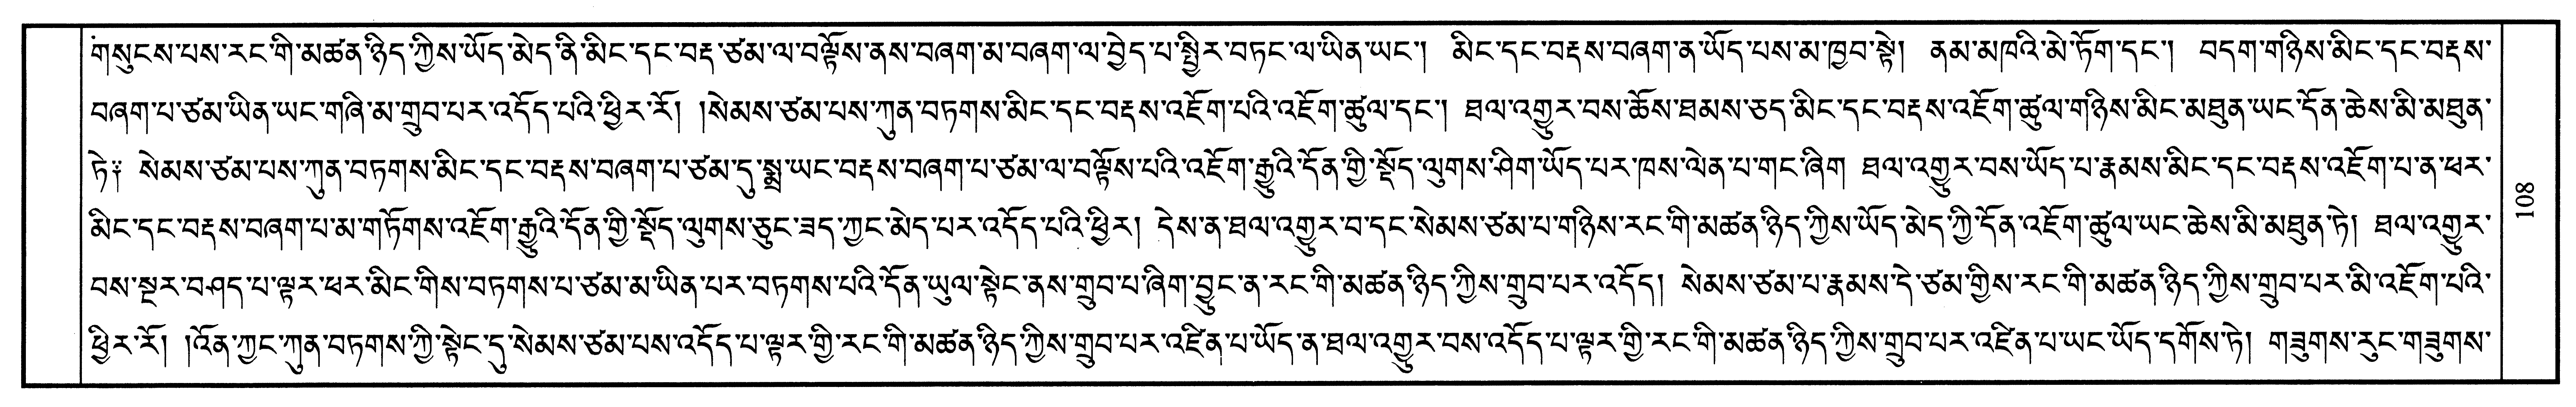གསུངས་པས་རང་གི་མཚན་ཉིད་ཀྱིས་ཡོད་མེད་ནི་མིང་དང་བརྡ་ཙམ་ལ་བལྟོས་ནས་བཞག་མ་བཞག་ལ་བྱེད་པ་སྤྱིར་བཏང་ལ་ཡིན་ཡང་། མིང་དང་བརྡས་བཞག་ན་ཡོད་པས་མ་ཁྱབ་སྟེ། ནམ་མཁའི་མེ་ཏོག་དང་། བདག་ཉིད་མིང་དང་བརྡས་
བཞག་པ་ཙམ་ཡིན་ཡང་གཞི་མ་གྲུབ་པར་འདོད་པའི་ཕྱིར་རོ། །སེམས་ཙམ་པས་ཀུན་བཏགས་མིང་དང་བརྡས་འཇོག་པའི་འཇོག་ཚུལ་དང་། ཐལ་འགྱུར་བས་ཆོས་ཐམས་ཅད་མིང་དང་བརྡས་འཇོག་ཚུལ་གཉིས་མིང་མཐུན་ཡང་དོན་ཆེས་མི་མཐུན་
ཏེ༑ སེམས་ཙམ་པས་ཀུན་བཏགས་མིང་དང་བརྡས་བཞག་པ་ཙམ་དུ་སྨྲ་ཡང་བརྡས་བཞག་པ་ཙམ་ལ་བལྟོས་པའི་འཇོག་རྒྱུའི་དོན་གྱི་སྡོད་ལུགས་ཤིག་ཡོད་པར་ཁས་ལེན་པ་གང་ཞིག །ཐལ་འགྱུར་བས་ཡོད་པ་རྣམས་མིང་དང་བརྡས་འཇོག་པ་ན་ཕར་
མིང་དང་བརྡས་བཞག་པ་མ་གཏོགས་འཇོག་རྒྱུའི་དོན་གྱི་སྡོད་ལུགས་ཅུང་ཟད་ཀྱང་མེད་པར་འདོད་པའི་ཕྱིར། དེས་ན་ཐལ་འགྱུར་བ་དང་སེམས་ཙམ་པ་གཉིས་རང་གི་མཚན་ཉིད་ཀྱིས་ཡོད་མེད་ཀྱི་དོན་འཇོག་ཚུལ་ཡང་ཆེས་མི་མཐུན་ཏེ། ཐལ་འགྱུར་
བས་སྔར་བཤད་པ་ལྟར་ཕར་མིང་གིས་བཏགས་པ་ཙམ་མ་ཡིན་པར་བཏགས་པའི་དོན་ཡུལ་སྟེང་ནས་གྲུབ་པ་ཞིག་བྱུང་ན་རང་གི་མཚན་ཉིད་ཀྱིས་གྲུབ་པར་འདོད། སེམས་ཙམ་པ་རྣམས་དེ་ཙམ་གྱིས་རང་གི་མཚན་ཉིད་ཀྱིས་གྲུབ་པར་མི་འཇོག་པའི་
ཕྱིར་རོ། །འོན་ཀྱང་ཀུན་བཏགས་ཀྱི་སྟེང་དུ་སེམས་ཙམ་པས་འདོད་པ་ལྟར་གྱི་རང་གི་མཚན་ཉིད་ཀྱིས་གྲུབ་པར་འཛིན་པ་ཡོད་ན་ཐལ་འགྱུར་བས་འདོད་པ་ལྟར་གྱི་རང་གི་མཚན་ཉིད་ཀྱིས་གྲུབ་པར་འཛིན་པ་ཡང་ཡོད་དགོས་ཏེ། གཟུགས་རུང་གཟུགས་